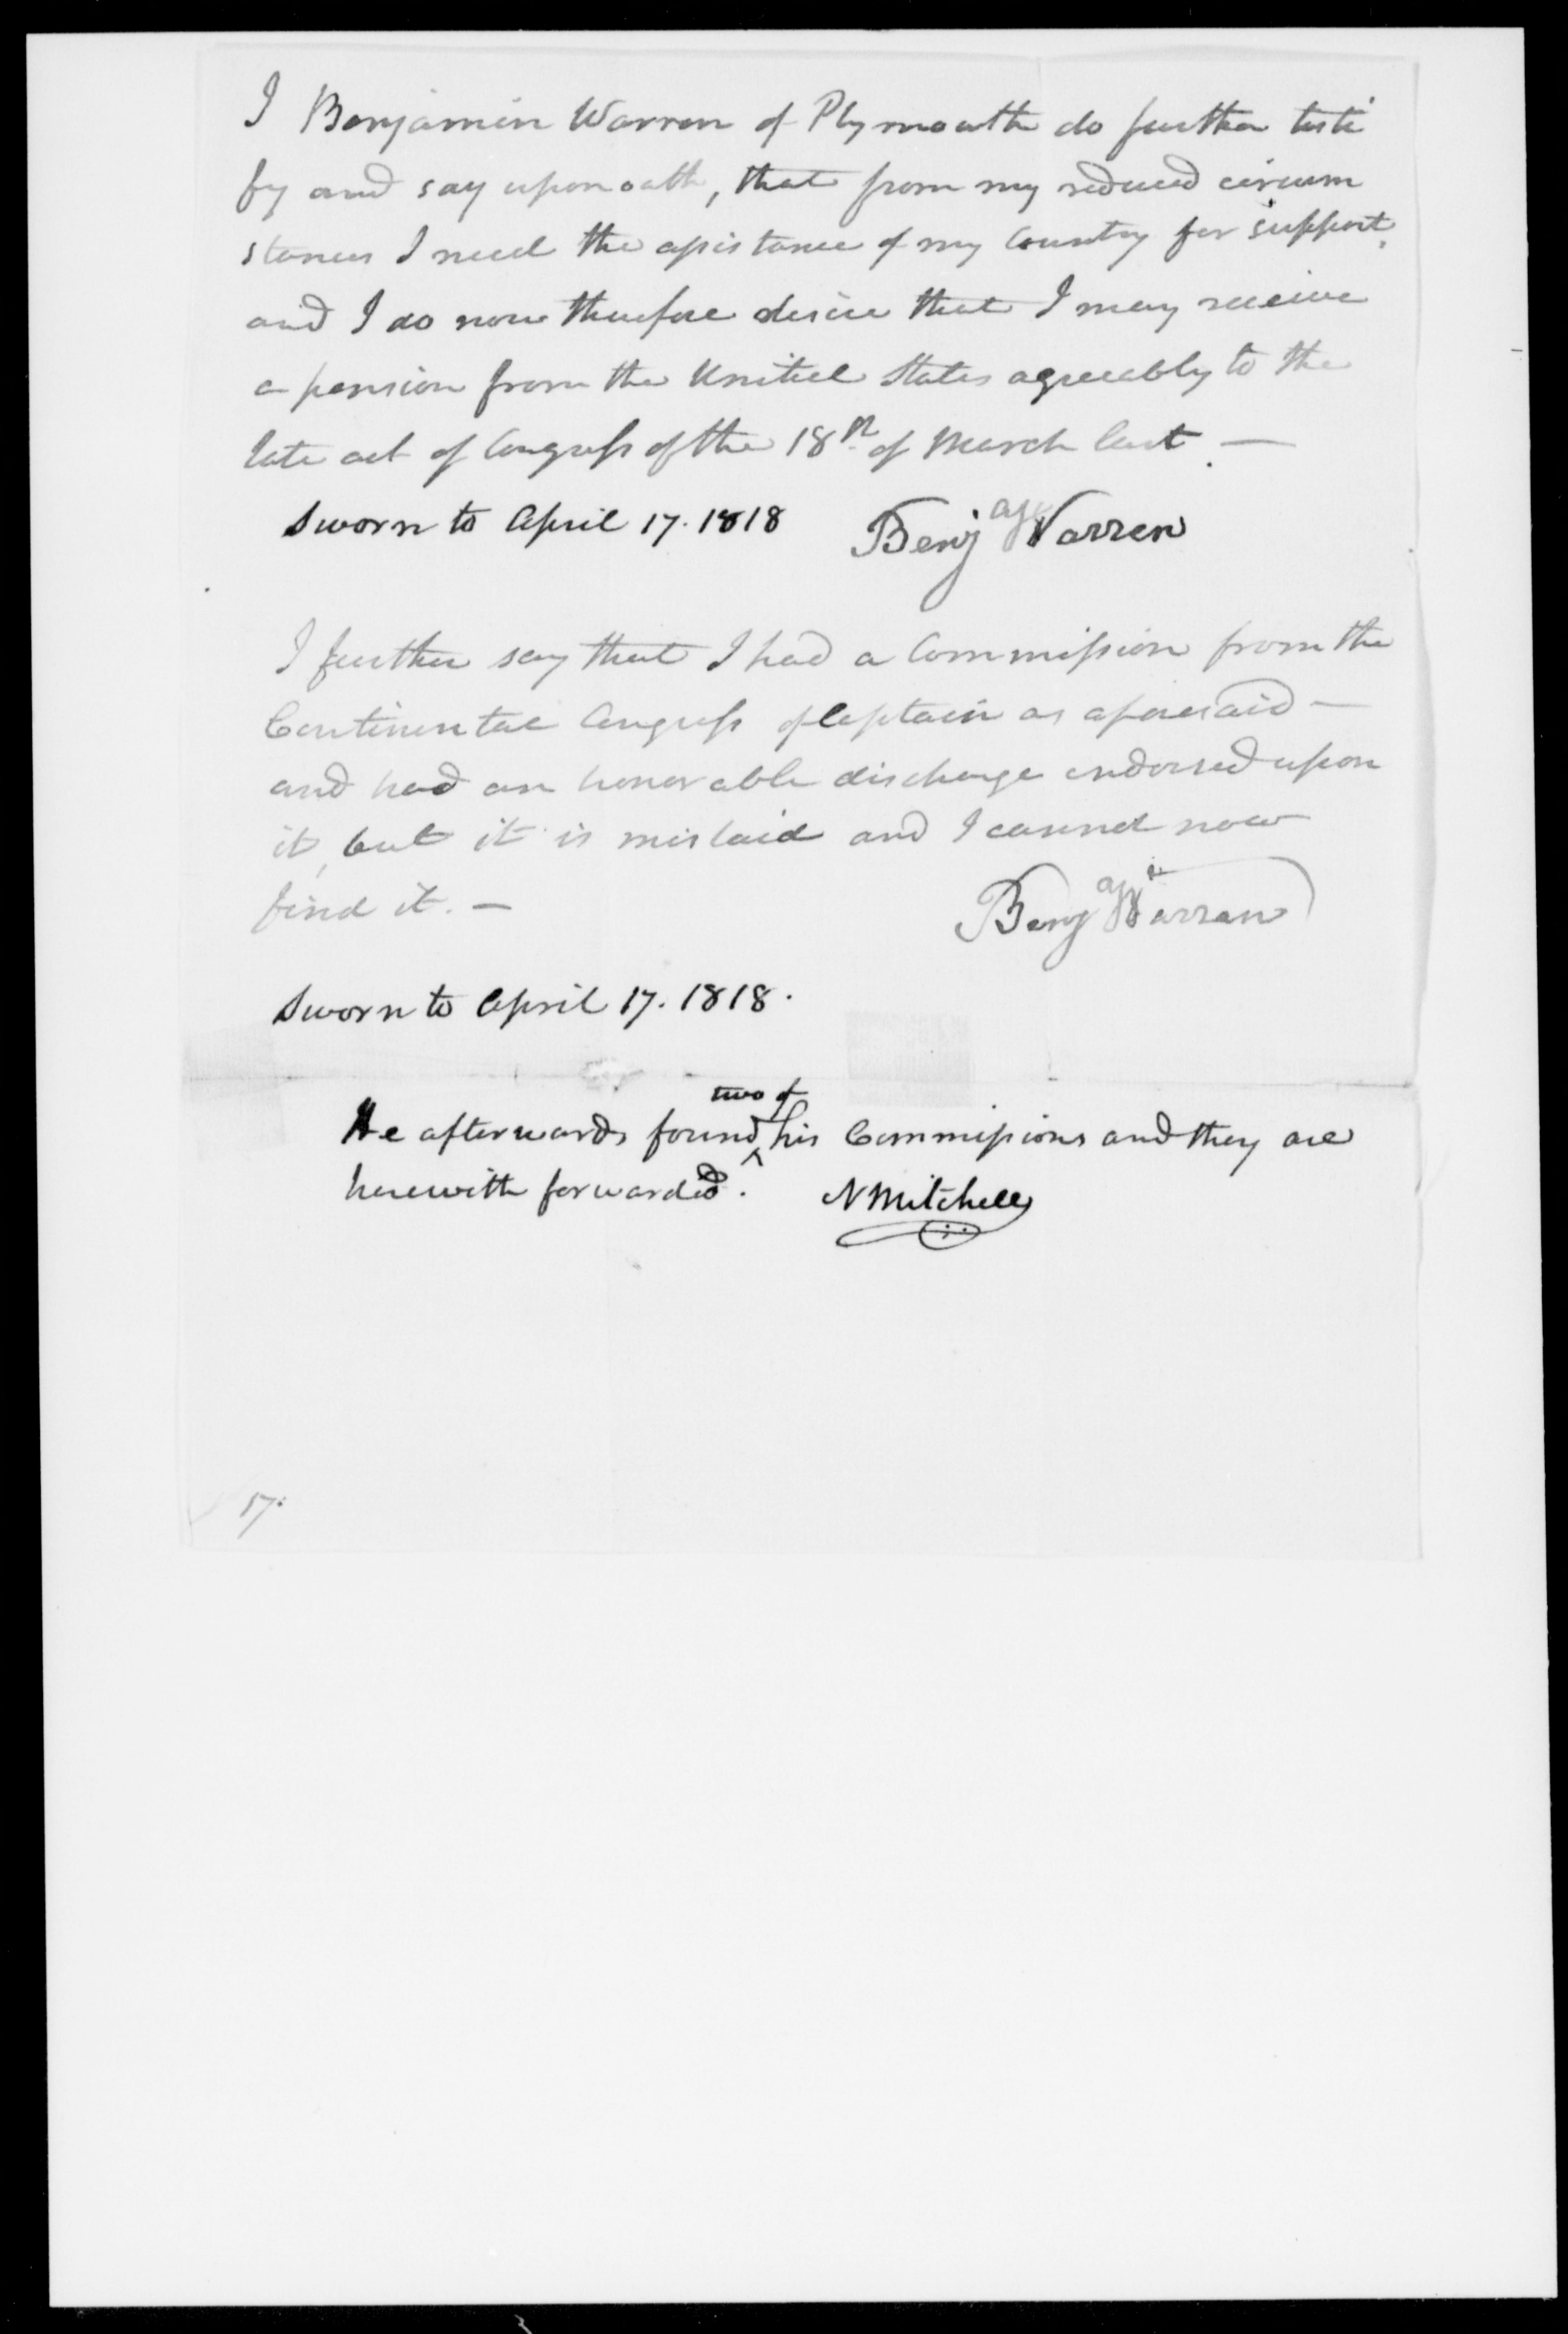I Benjamin Warren of Plymouth do further testify ad say upon oath, that from my reduced circumstances I need the assistance of my country for support and I do now therefore desire that I may receive a pension from the United States agreeably to the late act of Congress of the 18th of March last.
Sworn to April 17, 1818
Benj. Warren

I further say that I had a commission from the Continental Congress of Captain as aforesaid and had an honorable discharge endorsed upon it, but it is mislaid and I cannot now find it.
Benj. Warren
Sworn to April 17, 1818
He afterwards found his commissions and they are herewith forwarded.
N. Mitchell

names: N Mitchell, Benjamin Warren, Benja Warren, Benja Warren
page: 3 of 16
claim: survivor's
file: S. 33229, Benjamin Warren, Mass.